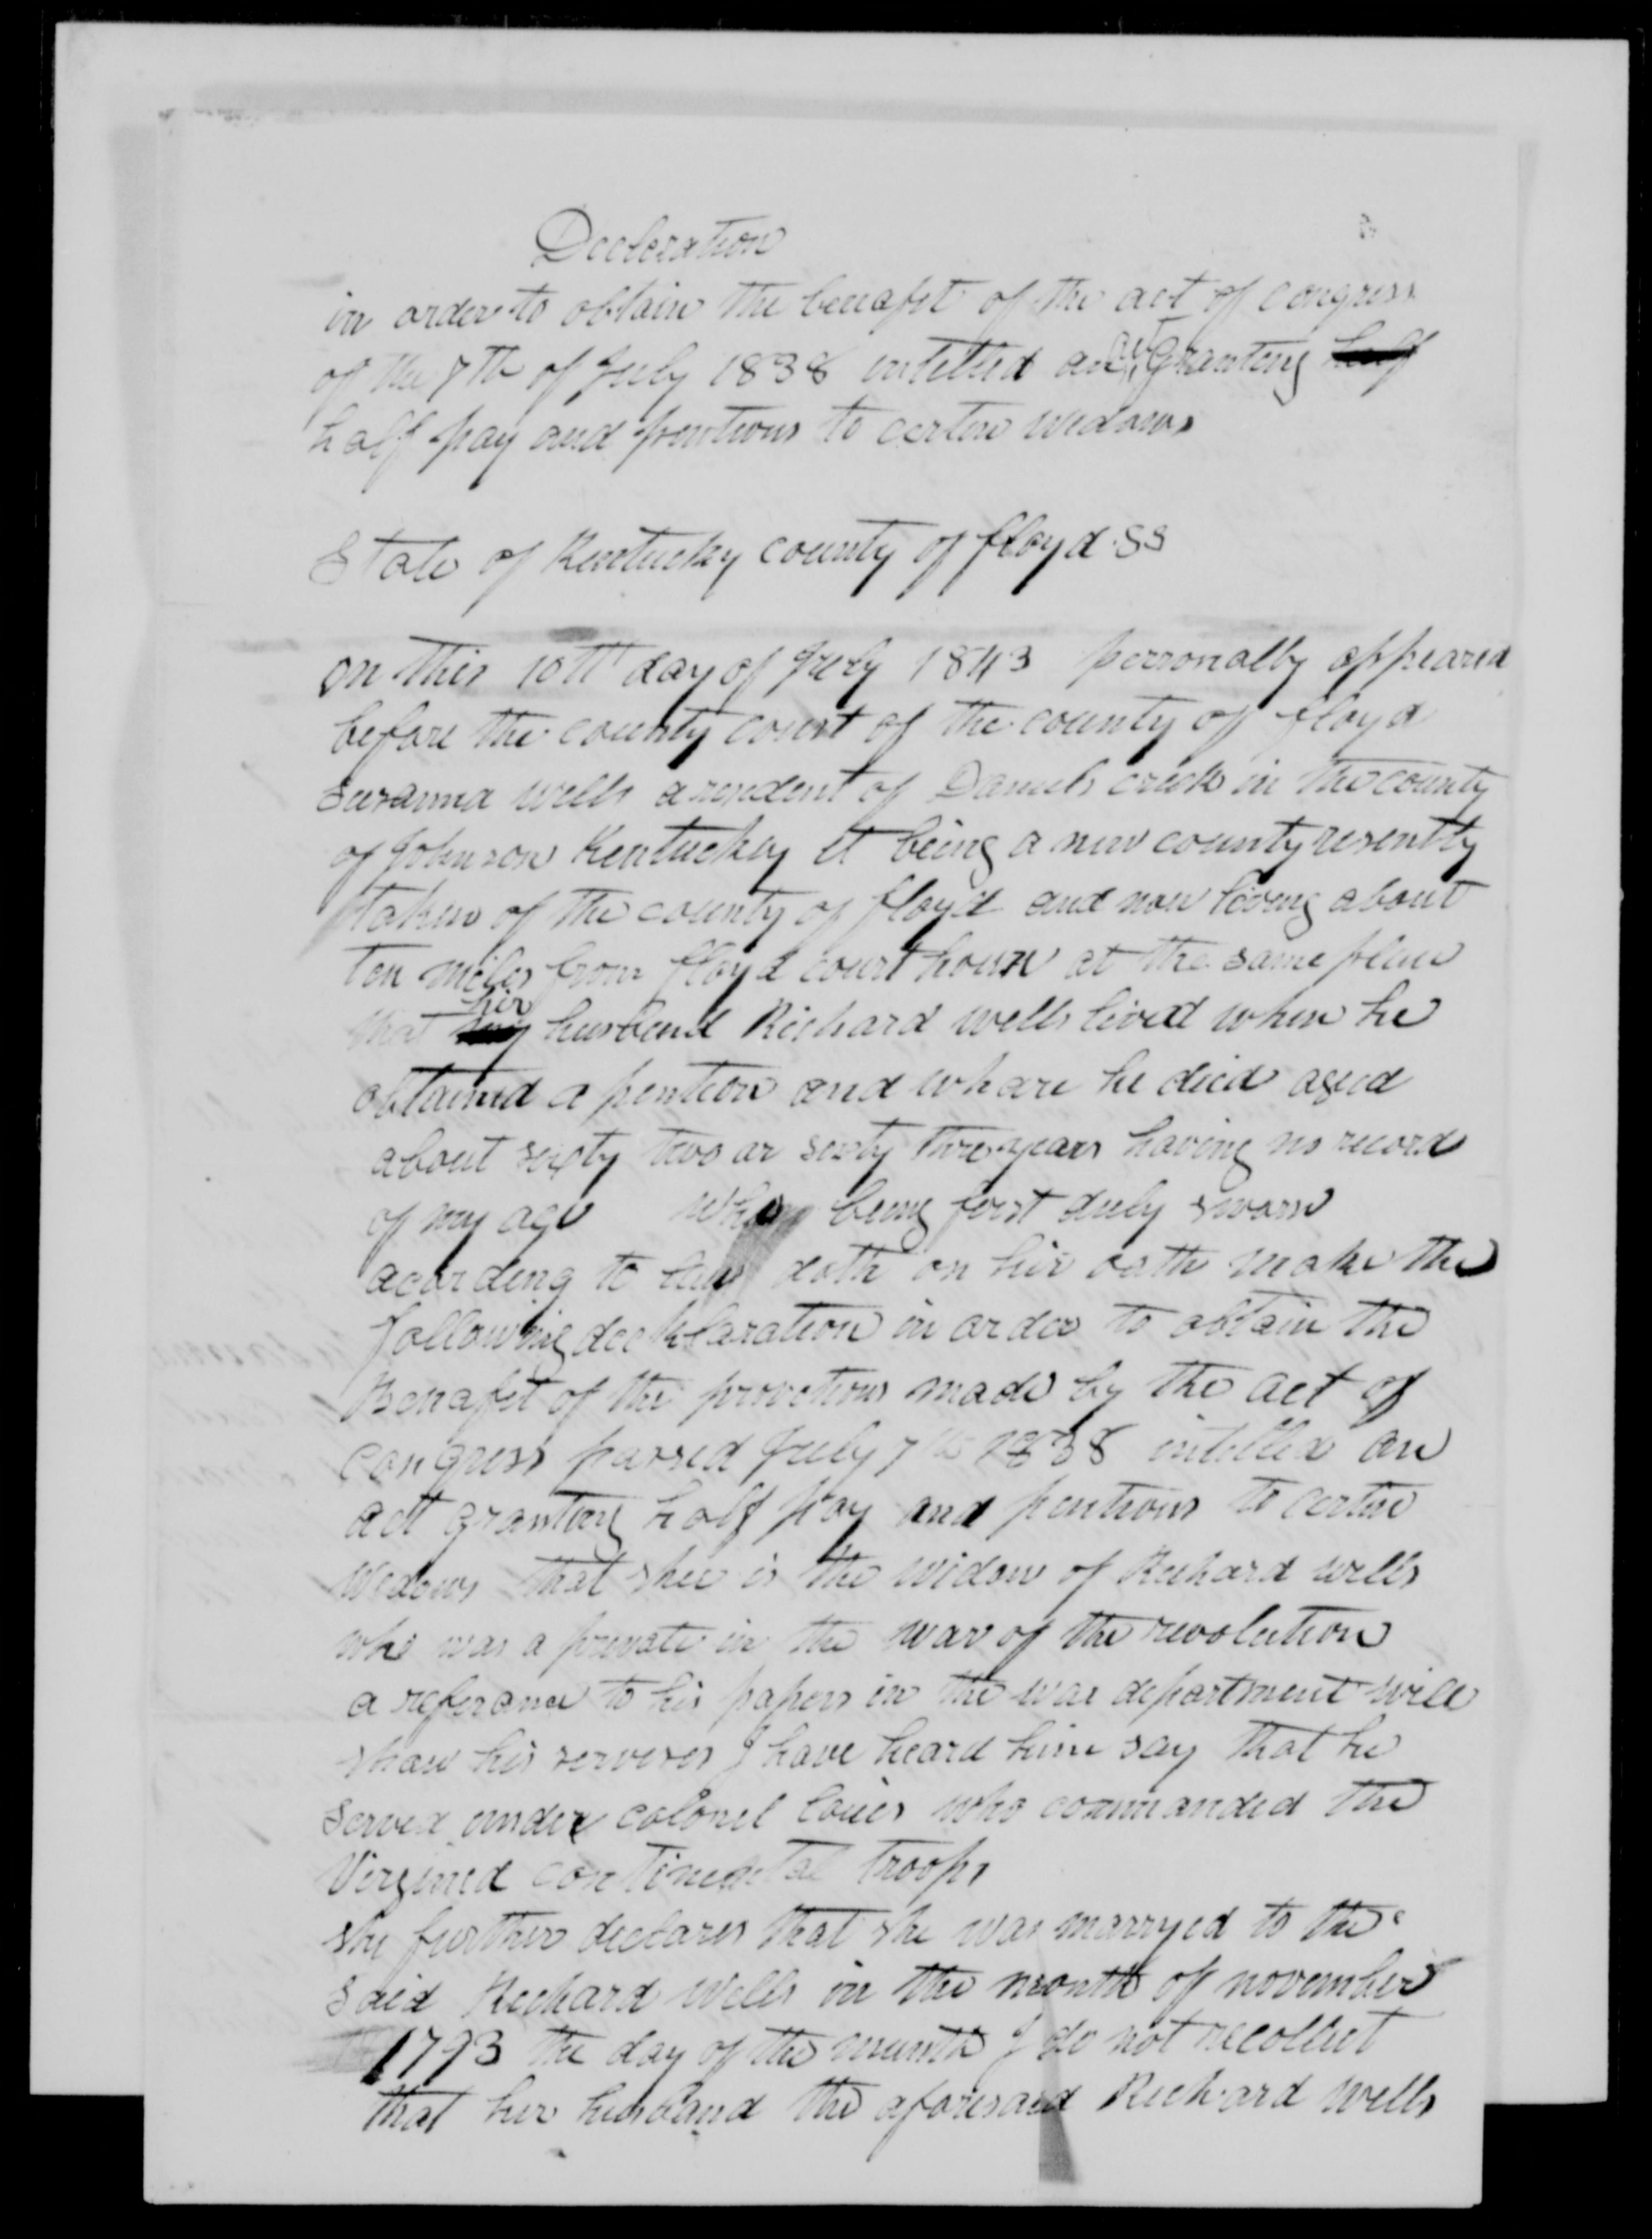Declaration in order to obtain the benefit of the act of Congress of the 7th of July 1838 entitled are Granters half pay and portions to certin widow
State of Kentucky county of Floyd SS
on this 10th day of July 1843 personally appeared before the county court of the county of floyd Susanna Wells a resident of Daniels creek in the county of Johnson Kentucky it being a new county resently taken of the county of floyd and now being about ten miles from floyd courthouse at the same place that her husband Richard Wells lived when he obtained a pention and where he died aged about sixty two or sixty three years having no record of my age who being first duly sworn according to law doth on his oath make the following declaration in order to obtain the benefit of the provitions made by the act of Congress passed July 7 1838 entitled an act granting half pay and pentions to certain widows that she is the widow of Richard Wells who was a private in the war of the revolution a referance to his papers in the war department will show his service I have heard him say that he served under colonel Cauer who commanded the Virginia continental troops she further declares that she was marryed to the said Richard Wells in the month of november 1793 the day of the month I do not recollect that her husband the aforesaid Richard Wells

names: Susanna Wells, Richard Wells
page: 33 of 100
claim: widow's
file: W. 6437, Richard Wells, Ga Va.